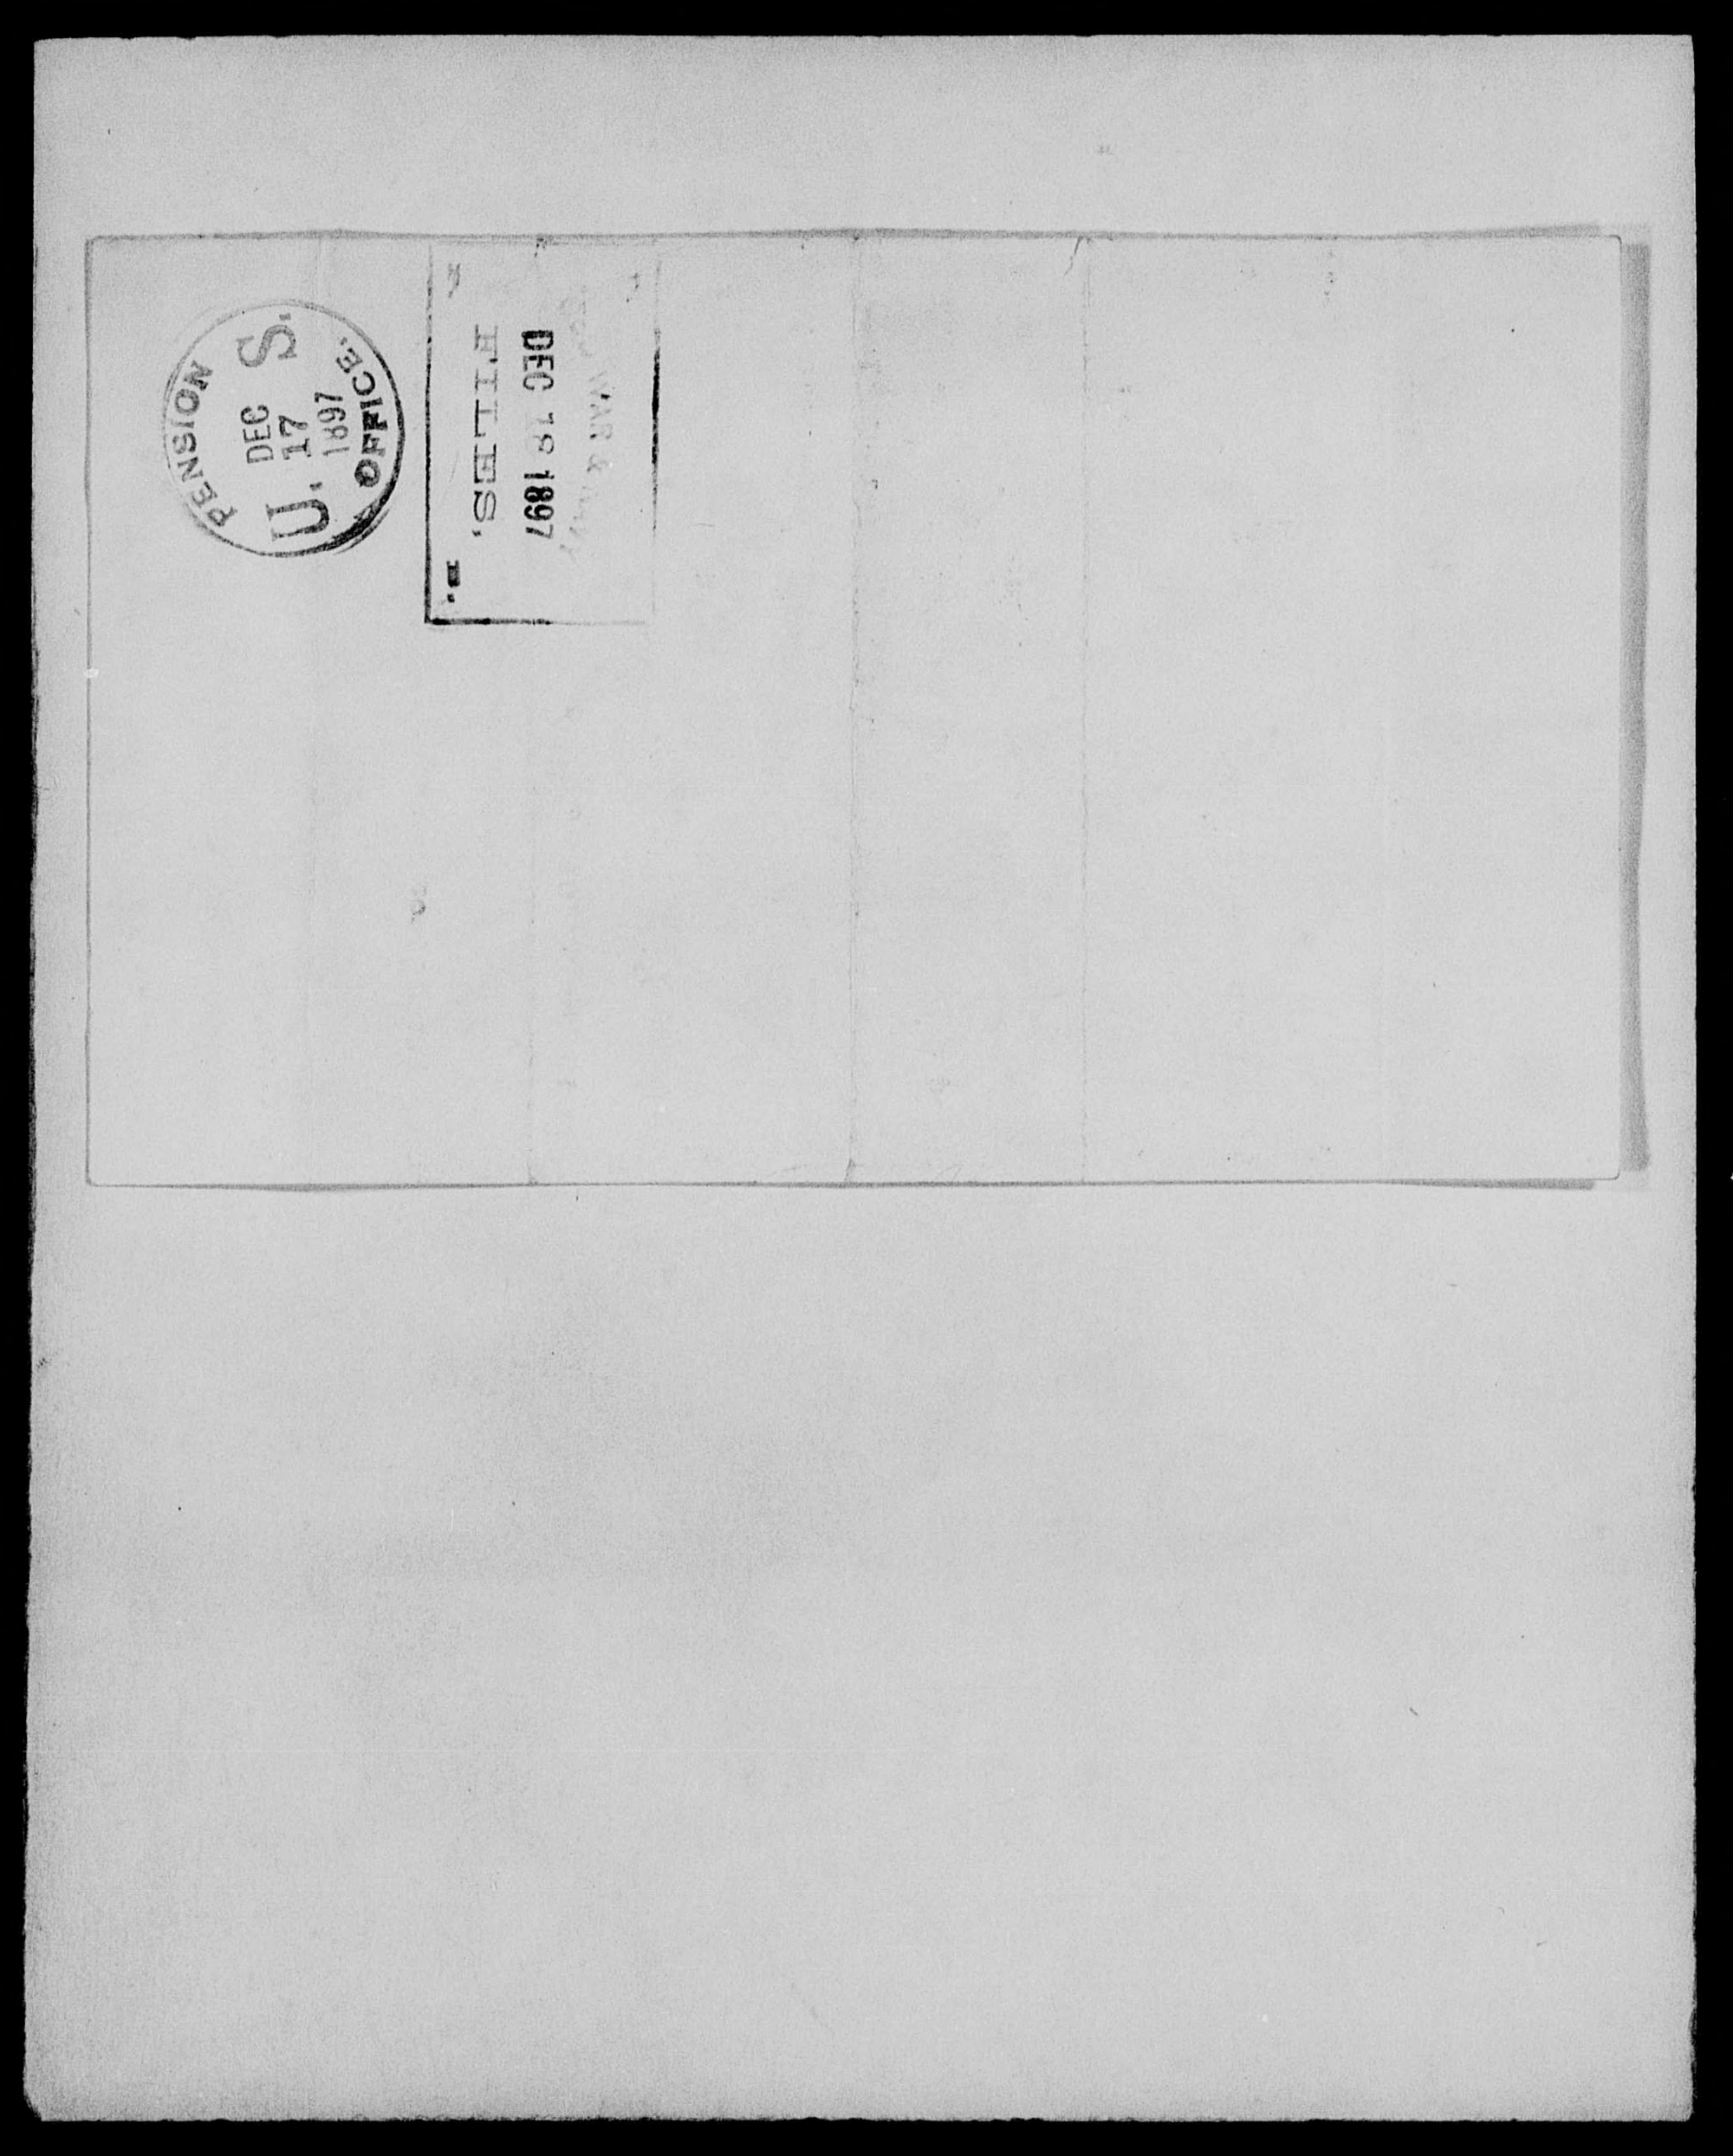{date stamps}
REV WAR & NAVY FILES
DEC 18 1897
U S PENSION OFFICE DEC 17 1897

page: 135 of 144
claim: rejected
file: R. 5208, Dennis Hopkins, N.C.